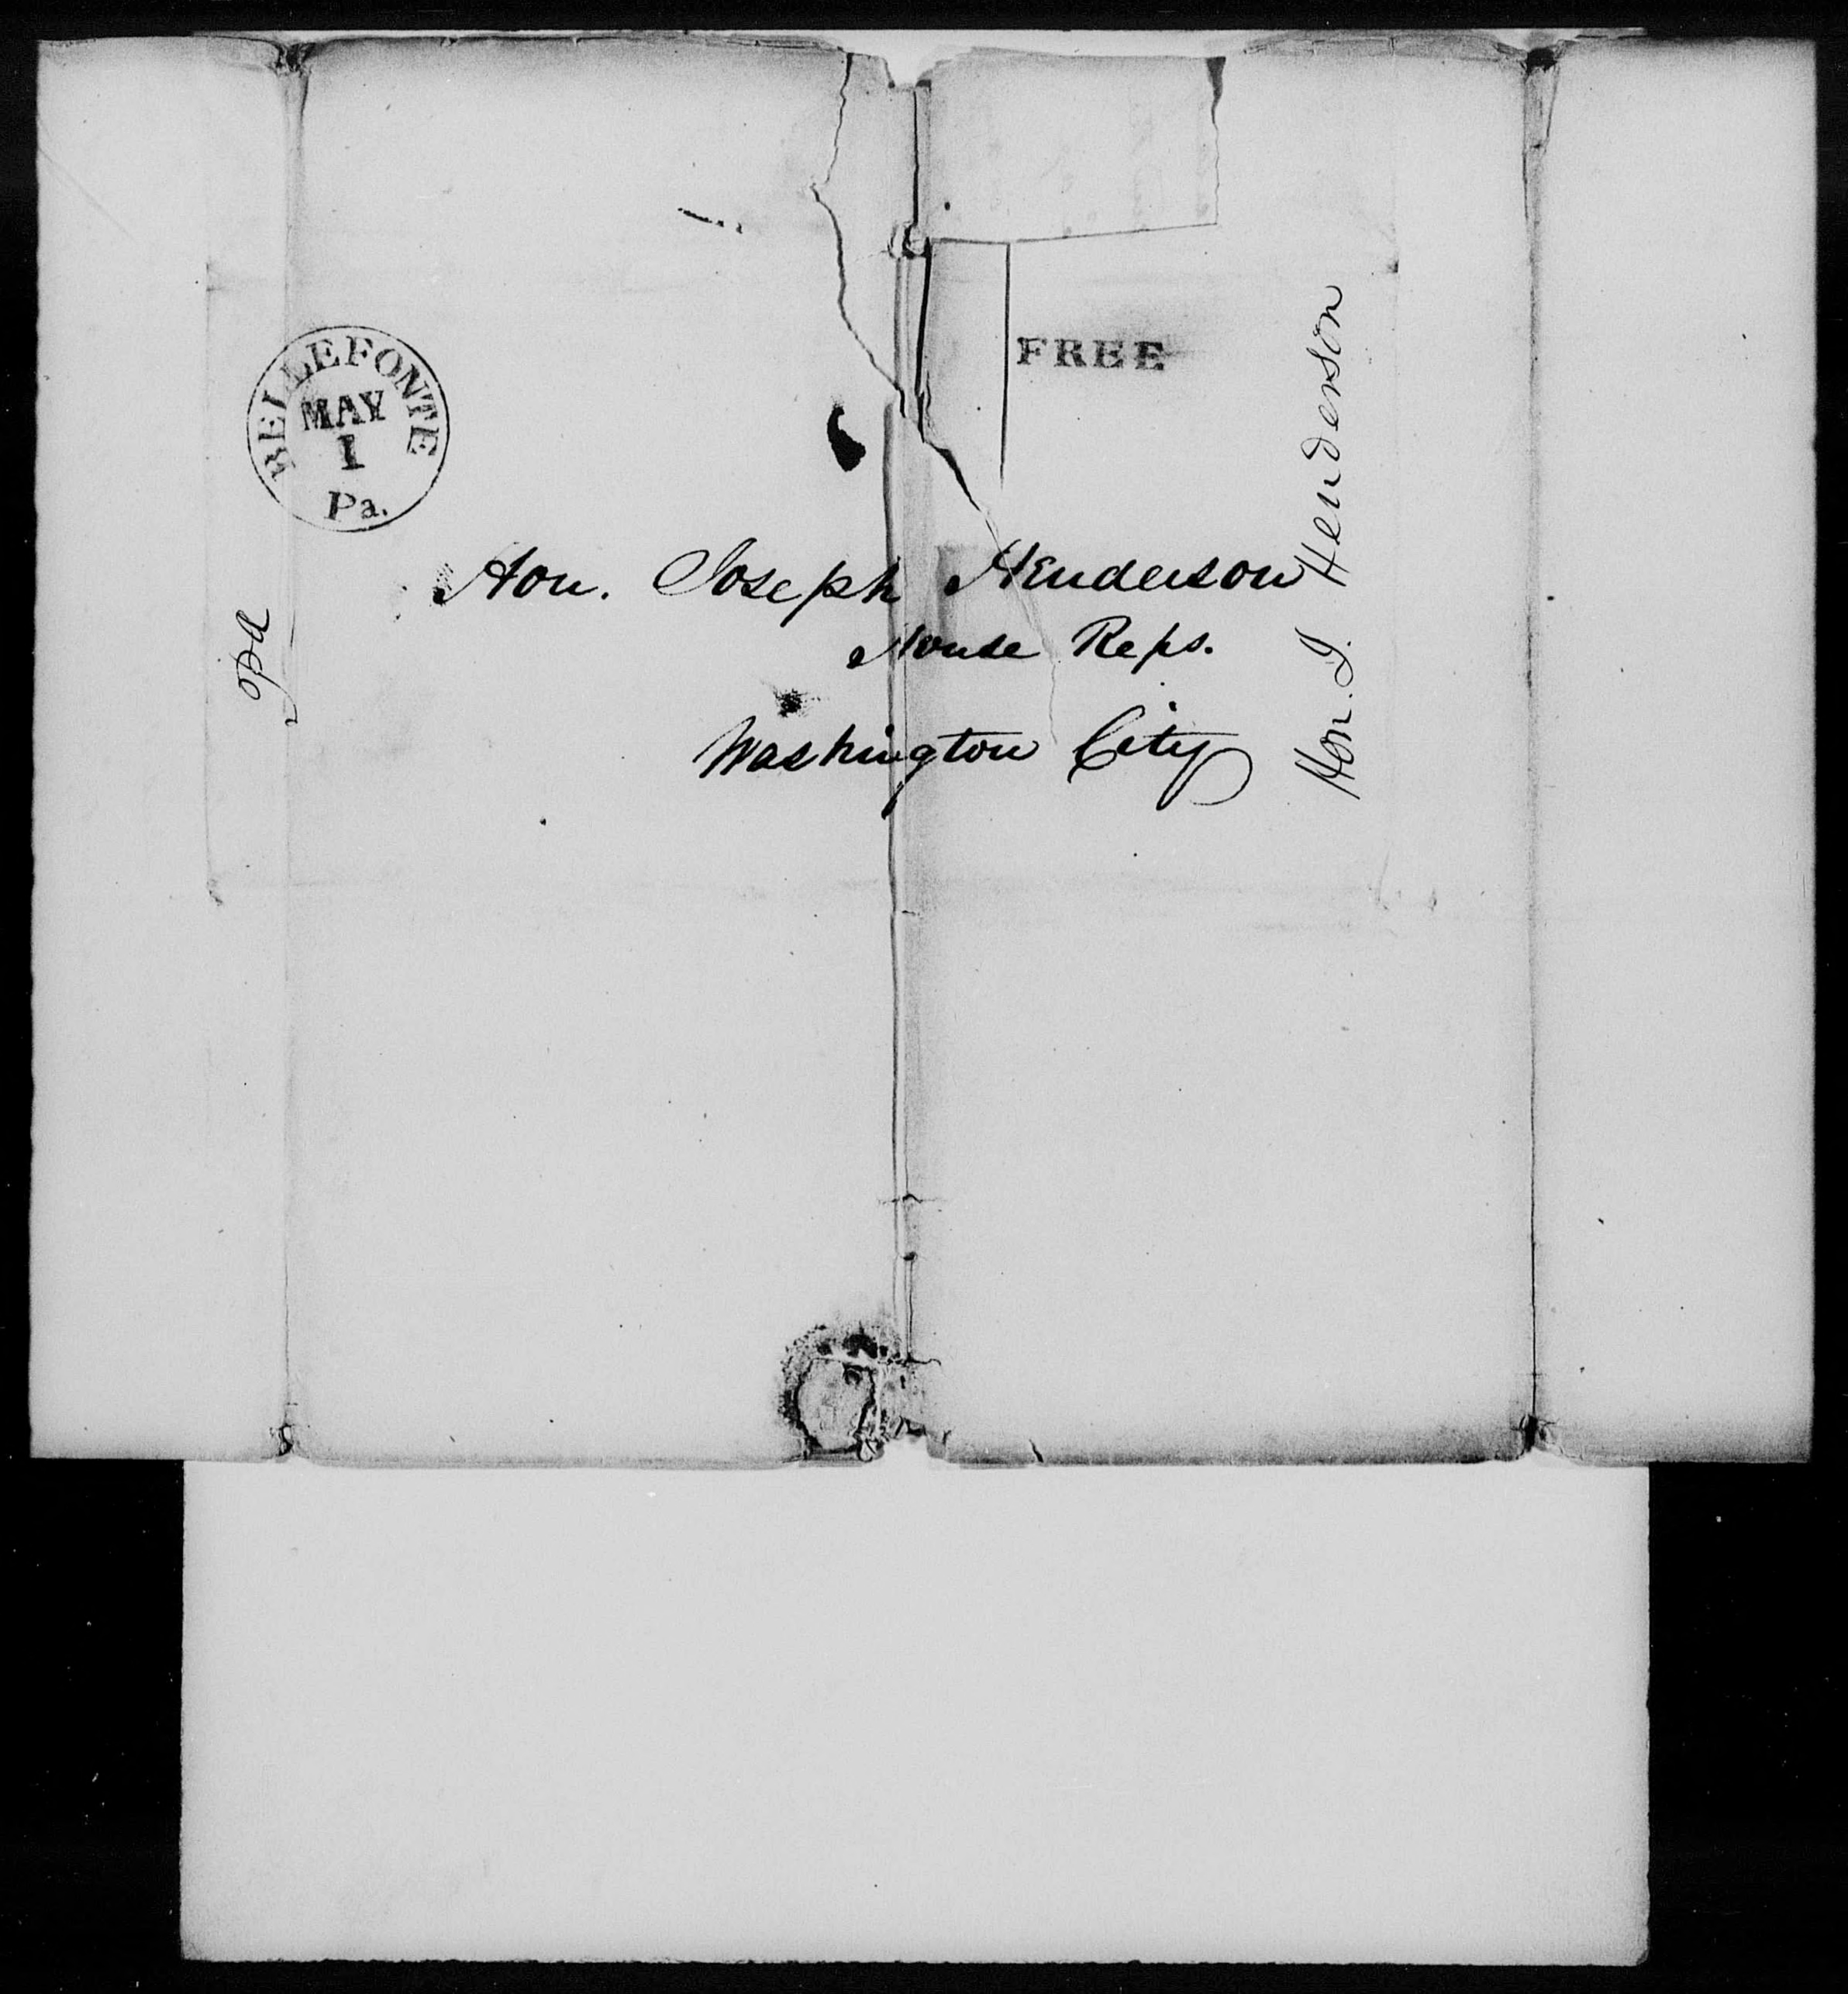This document is a tri-fold envelope with an address, stamp and name running vertically along the right side and states: Hon J. Henderson. The envelope itself states:
Hon. Joseph Henderson
House Reps.
Washington, City

Above the address is stamped FREE
Above the address left side is a circular stamp that shows: Bellefonte around the top, MAY 1 in the middle and PA around the bottom. 

Written on the far left above the crease of the tri-fold was written Pa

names: J Henderson, Joseph Henderson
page: 28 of 80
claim: widow's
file: W. 24117, John Elder, Penn.